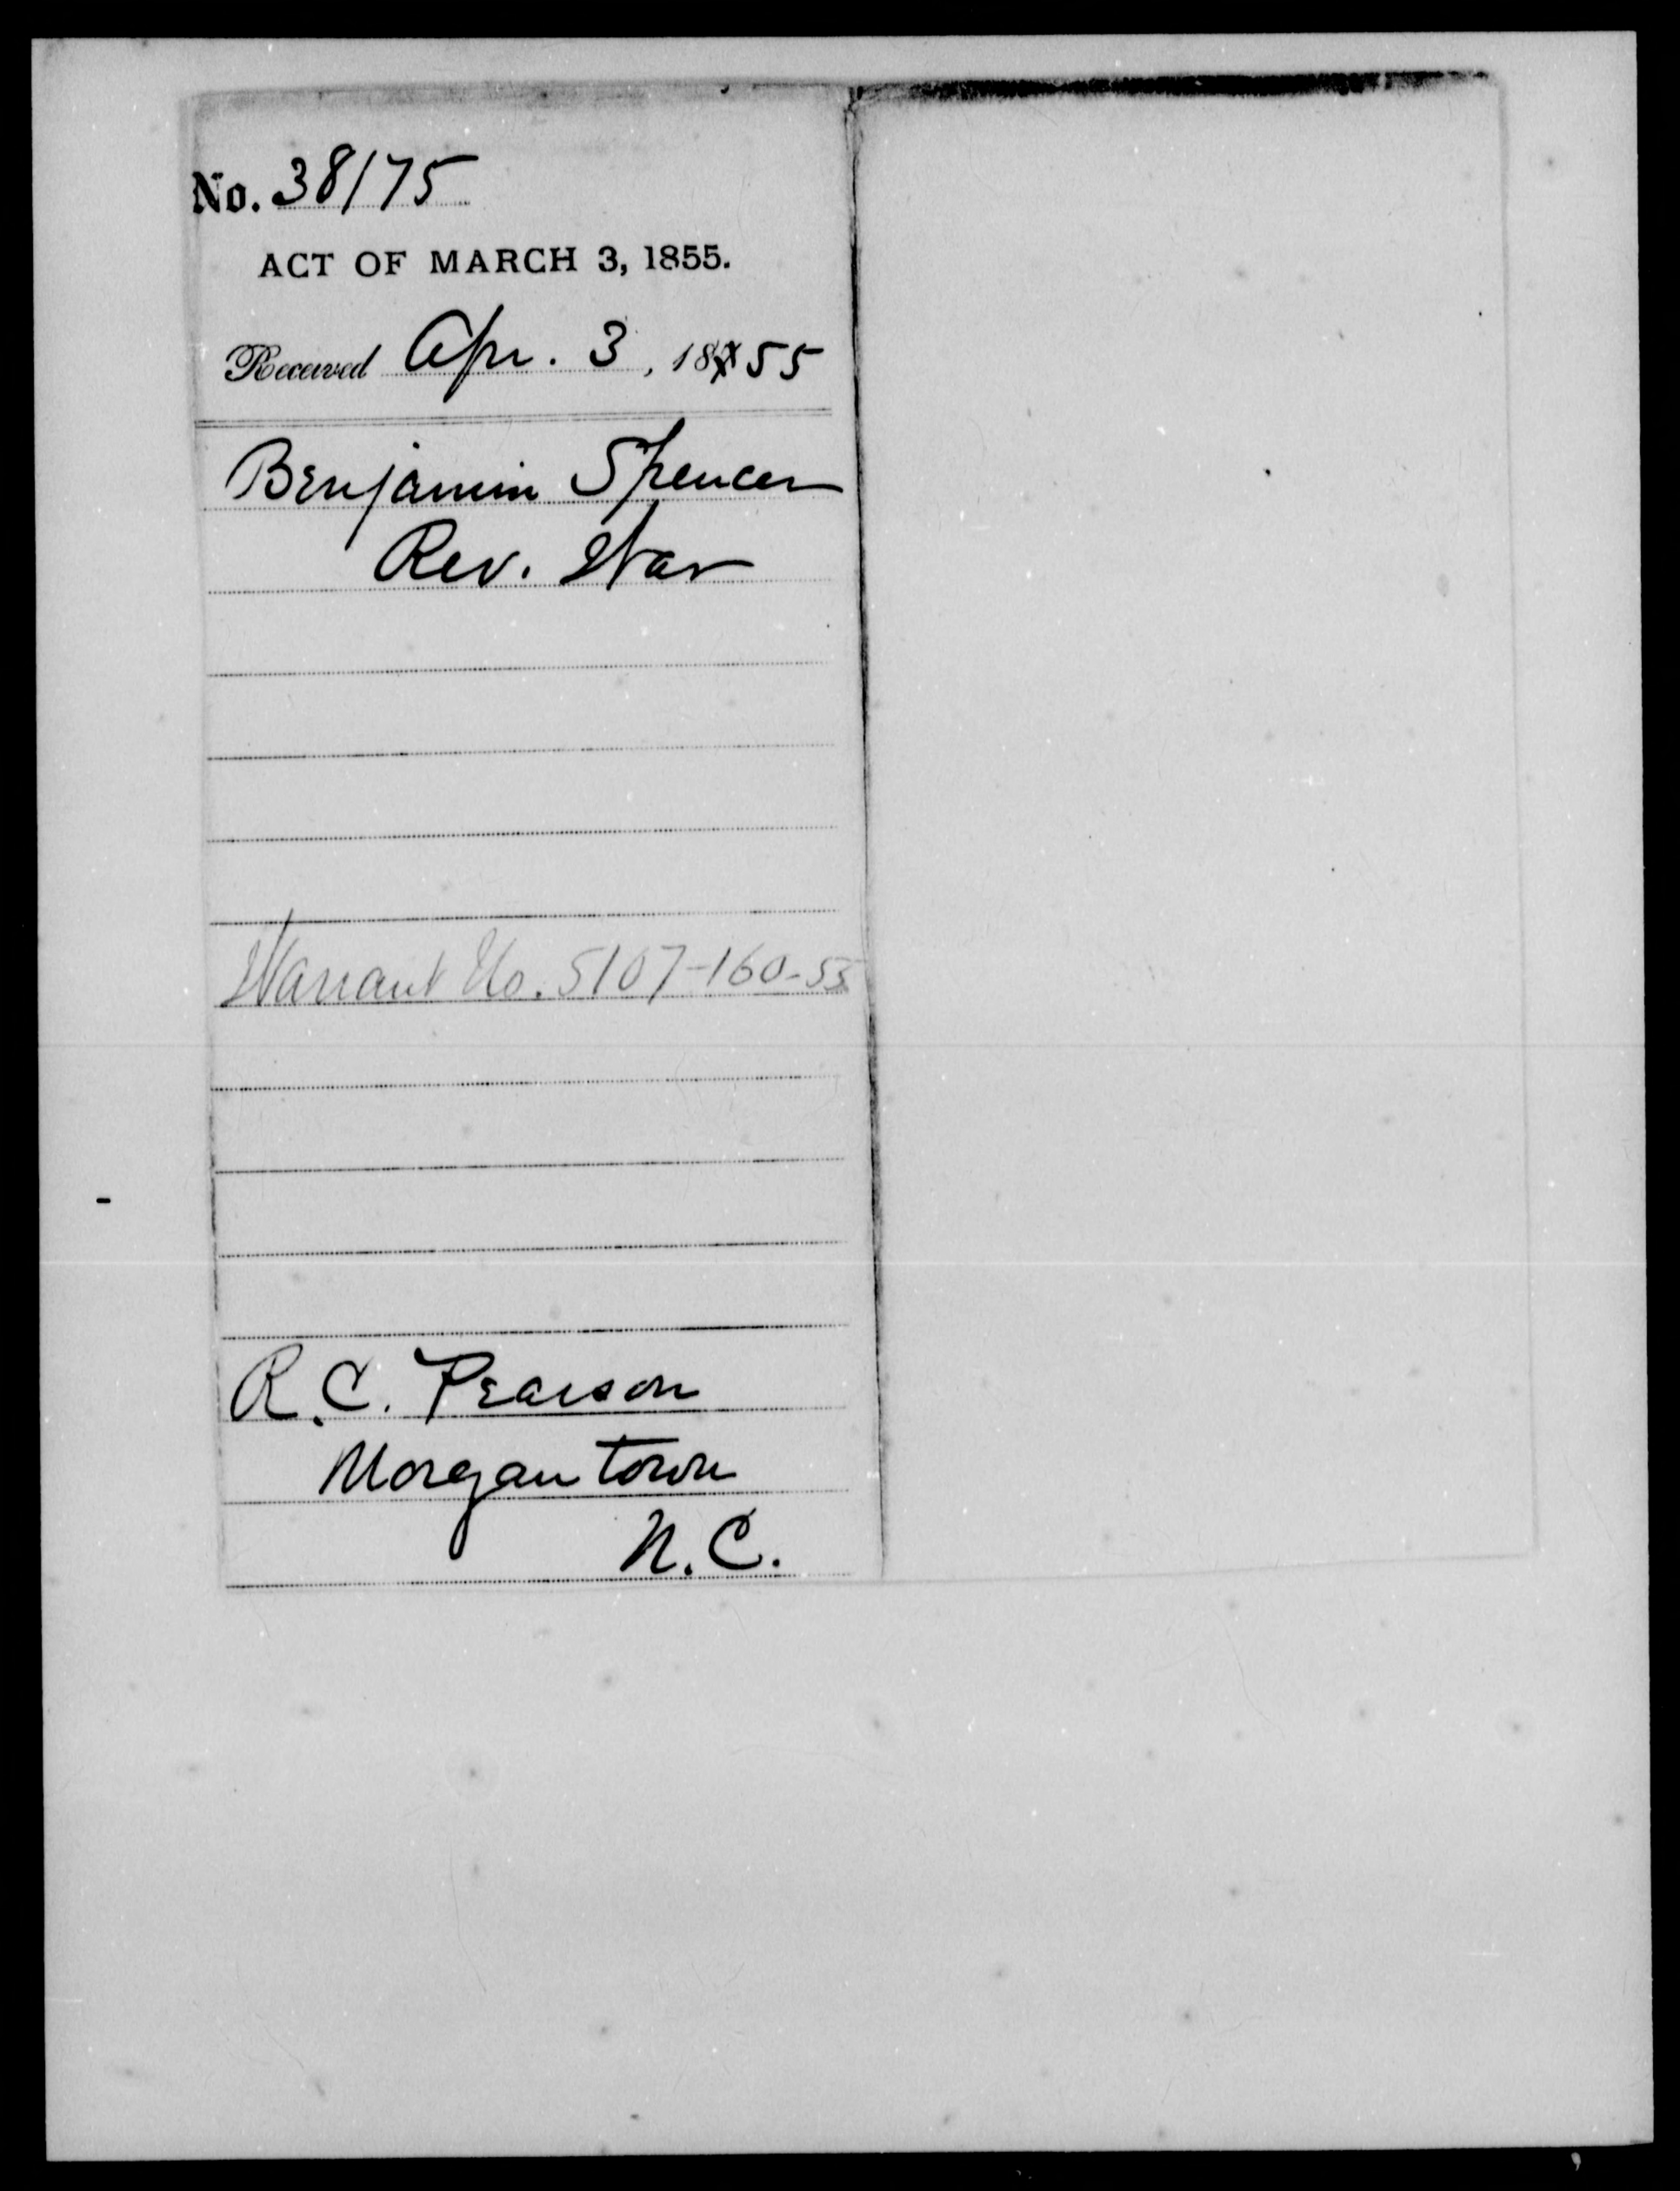No. 38175
ACT OF MARCH 3, 1855.
Received Apr. 3, 1855
Benjamin Spencer
Rev. War
Warrant No. 5107-160-55
R C. Pearson
Morgantown
N.C.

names: Benjamin Spencer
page: 36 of 63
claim: widow's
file: W. 6158, for Benjamin Spencer, North Carolina